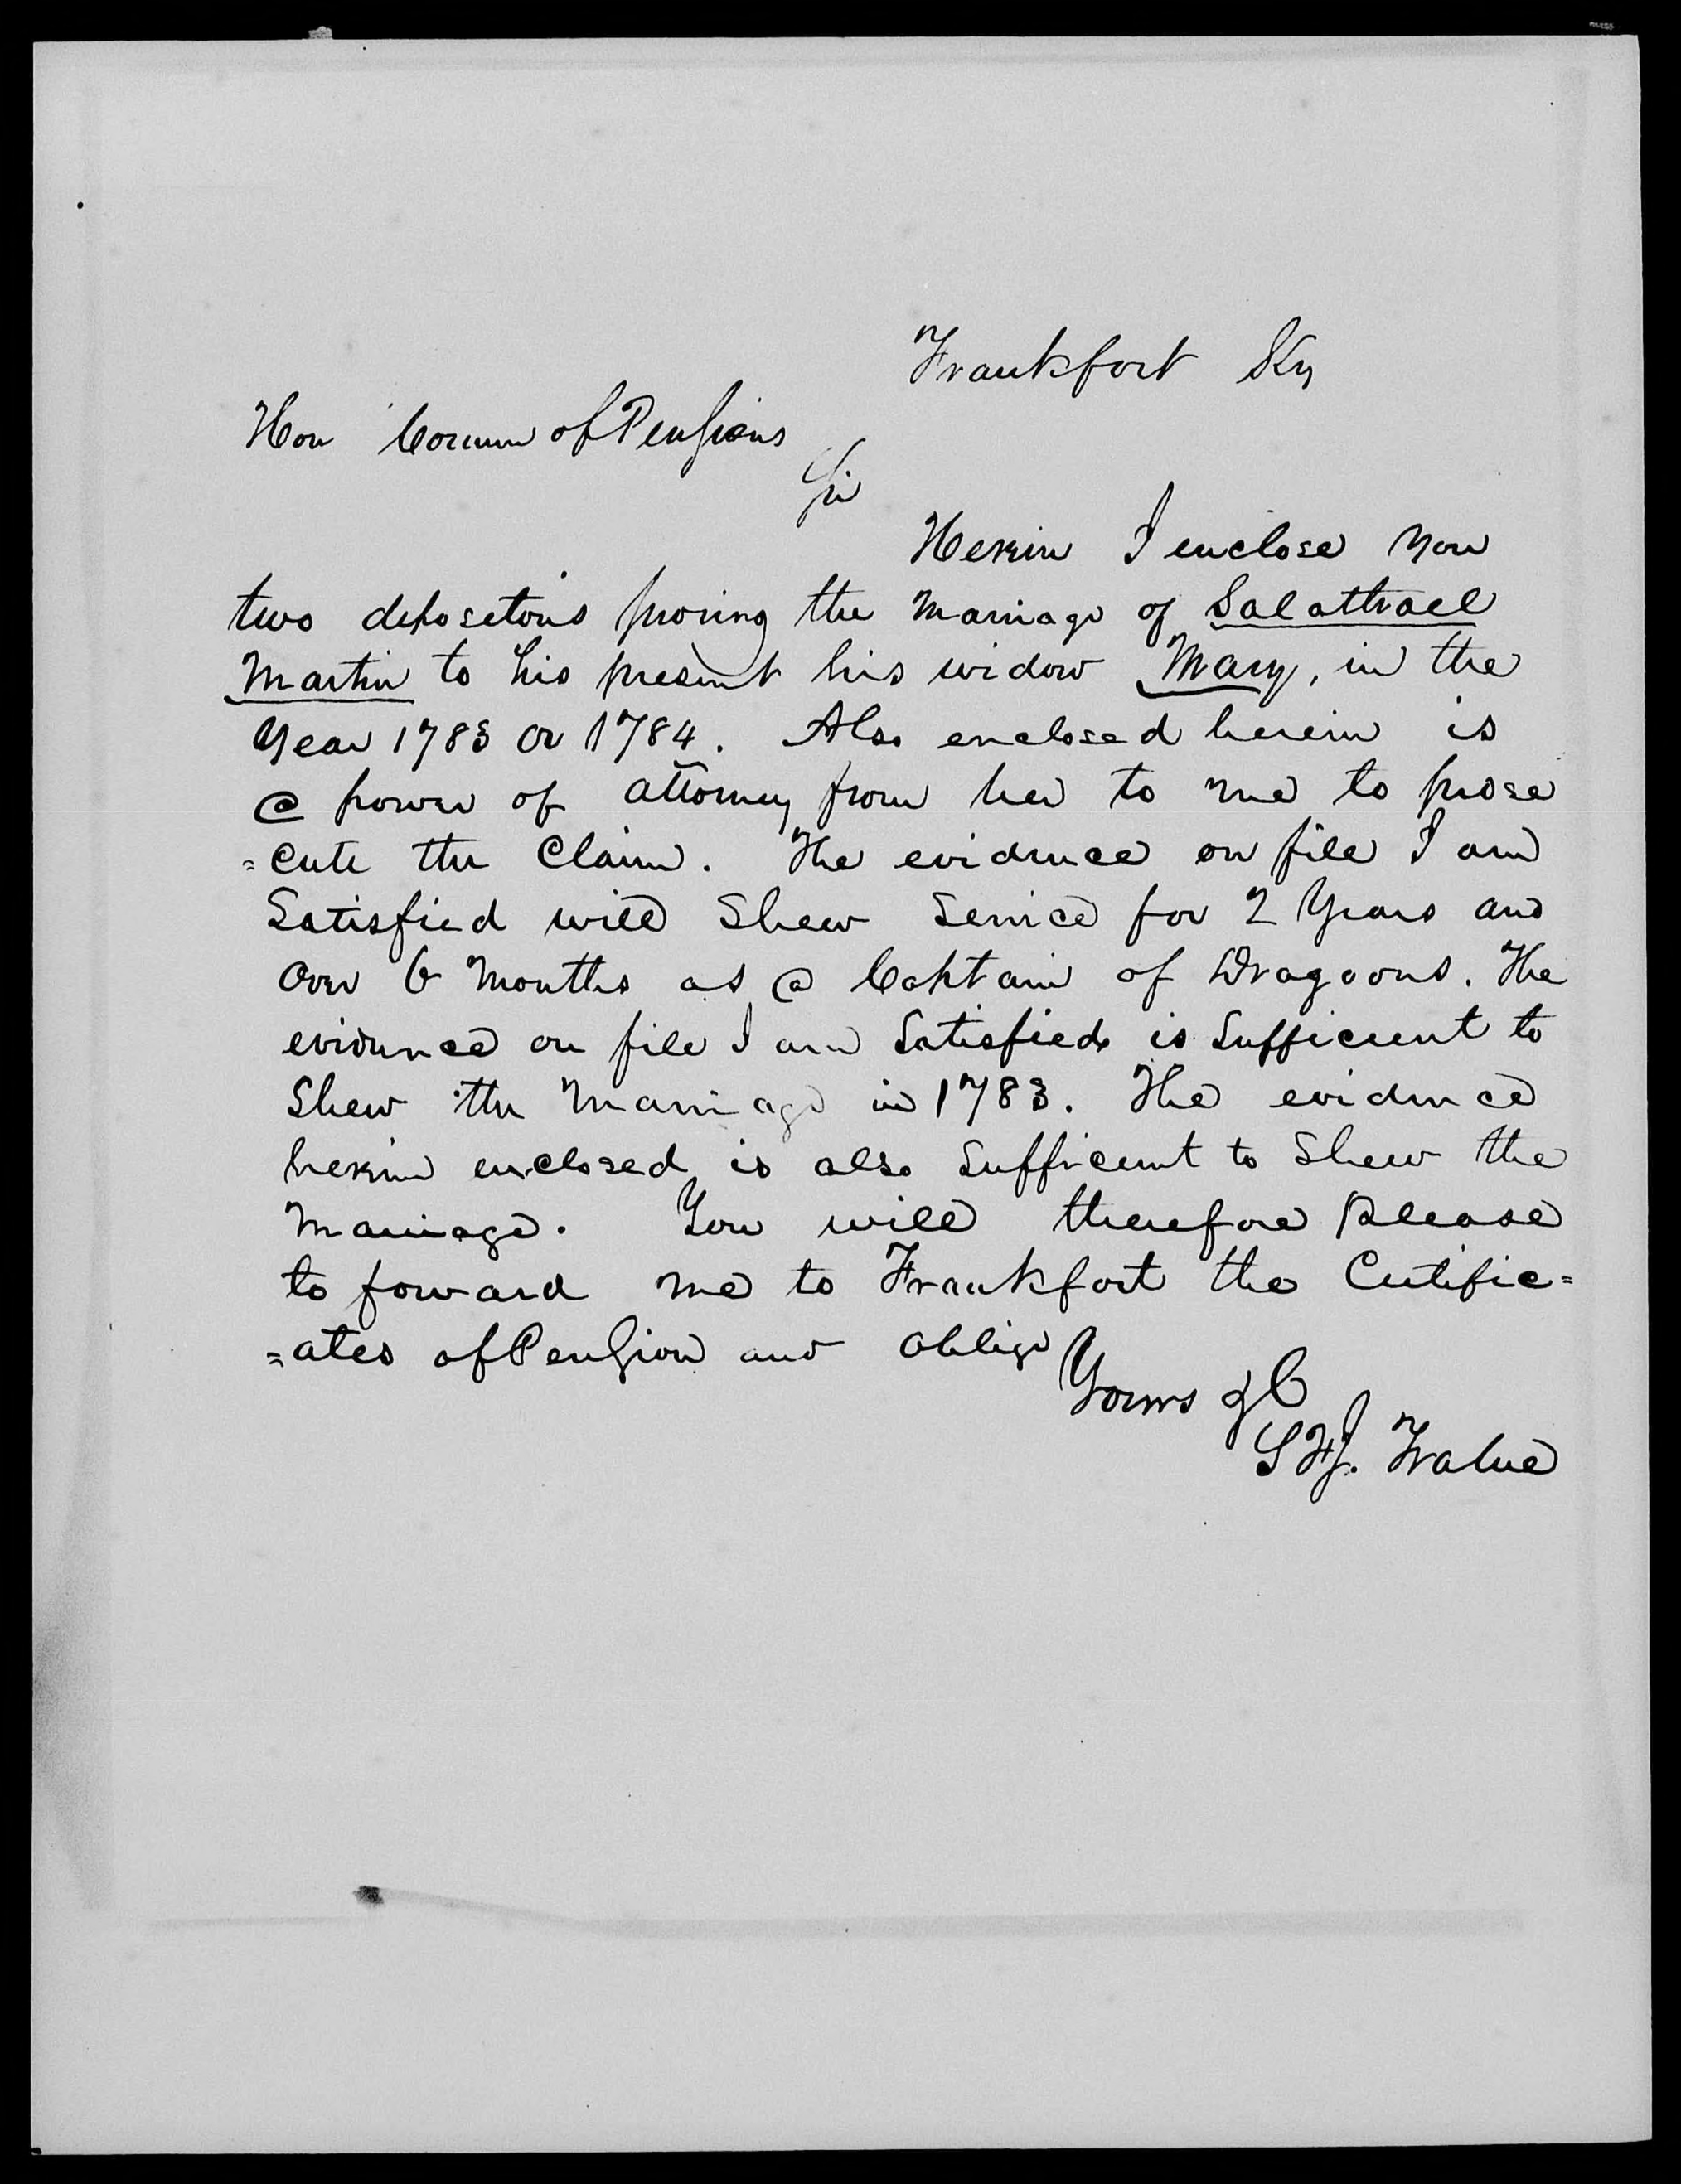Frankfort Ky
Hon Commr of Pensions
Sir
Herein I enclose you
two depositions proving the marriage of Salathael [Salathiel]
Martin to his present his widow Mary, in the 
Year 1783 or 1784.  Also enclosed herein is
a power of attorney from her to me to prose
=cute the claim.  The evidence on file I am
Satisfied will Shew [show] Service for 2 Years and
over 6 months as a Captain of Dragoons.  The
evidence on file I am Satisfied is Sufficient to
Shew [show] the Marriage in 1783.  The evidence
herein enclosed is also Sufficient to Shew [show] the
Marriage.  You will therefore please
to foward [forward] me to Frankfort the Certific=
=ates of Pension and oblige
Yours [illegible]
LHJ Trabue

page: 45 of 120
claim: widow's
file: W. 1044, for Salathiel Martin, North Carolina